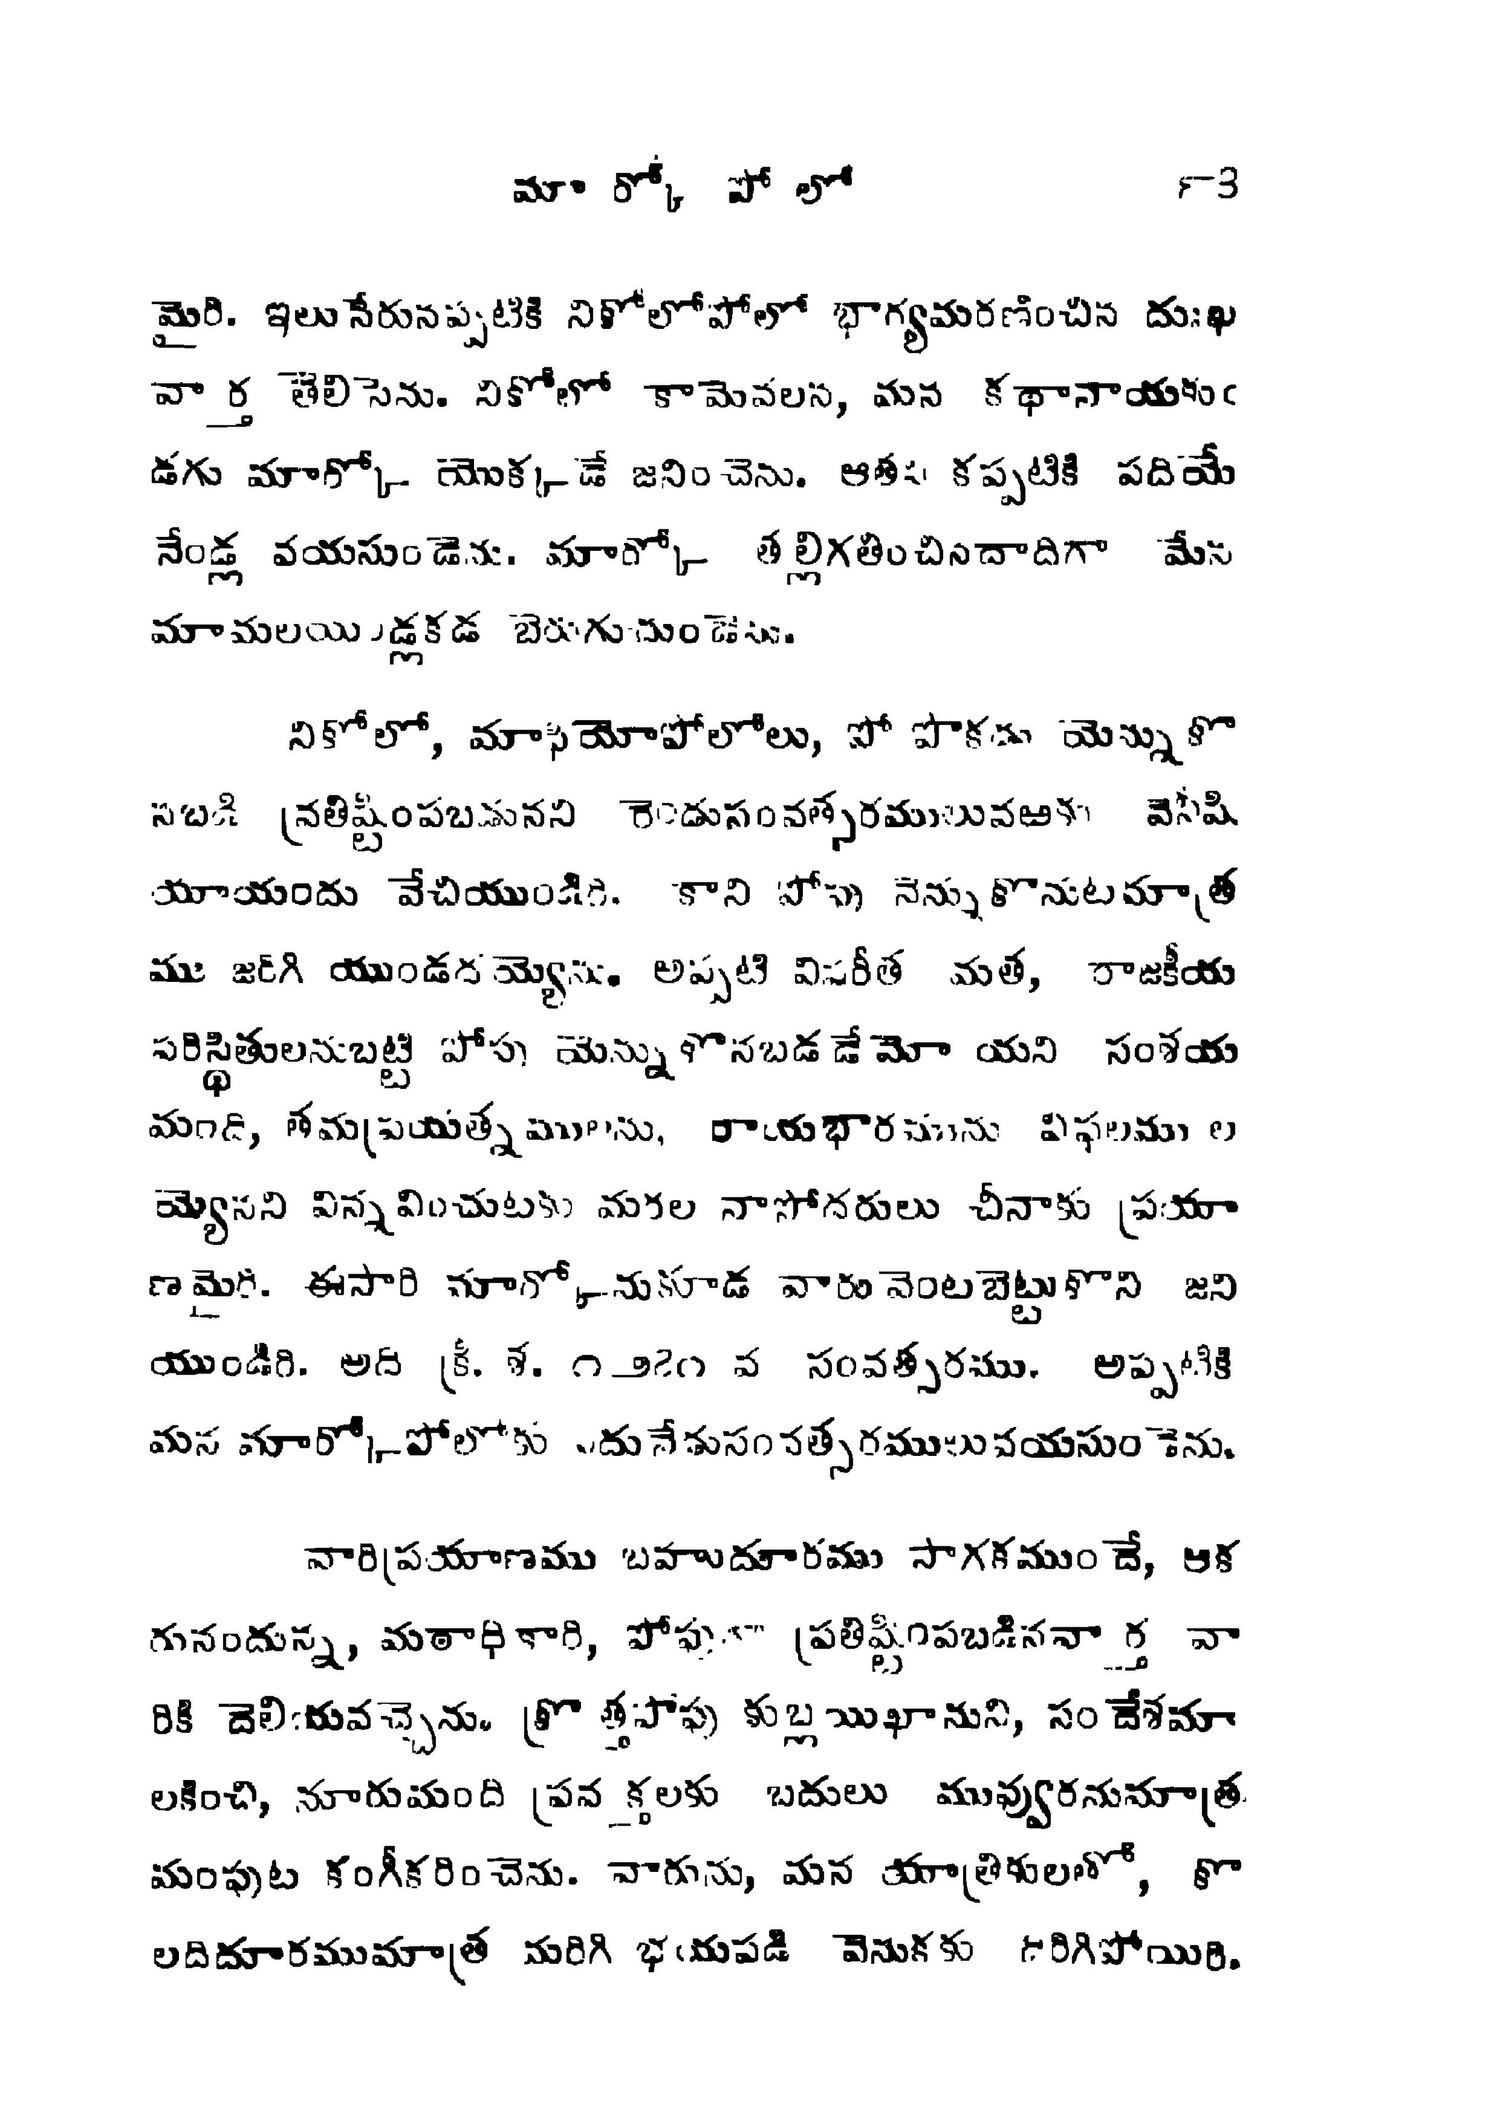మైరి. ఇలుసేరునప్పటికి నికోలోపోలో భార్యమరణించిన దు:ఖ వార్త తెలిసెను. నికోలో కామెవలన, మన కథానాయకుడగు మార్కో యొక్కడే జనించెను. ఆతని కప్పటికి పదియేనేండ్ల వయసుండెను. మార్కో తల్లిగతించినదాదిగా మేన మామలయిండ్లకడ బెరుగుచుండెను.

నికోలో, మాఫియోపోలోలు, పో పొకడు యెన్నుకొనబడి ప్రతిష్టింపబడునని రెండు సంవత్సరములు వఱకు వెనీషియాయందు వేచియుండిరి. కాని పోపు నెన్నుకొనుట మాత్రము జరిగి యుండదయ్యెను. అప్పటి విపరీత మత, రాజకీయ పరిస్థితులనుబట్టి పోపు యెన్నుకొనబడడేమో యని సంశయ మంది, తమ ప్రయత్నములను, రాయభారమును విఫలము లయ్యెనని విన్నవించుటకు మరల నాసోదరులు చీనాకు ప్రయాణమైరి. ఈసారి మార్కోనుకూడ వారు వెంటబెట్టుకొని జని యుండిరి. అది క్రీ.శ. 1271 వ సంవత్సరము. అప్పటికి మన మార్కోపోలోకు పదునేడుసంవత్సరములు వయసుండెను.

వారి ప్రయాణము బహుదూరము సాగకముందే, ఆకరునందున్న, మఠాధికారి, పోపుగా ప్రతిష్టింపబడినవార్త వారికి దెలియవచ్చెను. క్రొత్తపోపు కుబ్లయిఖానుని, సందేశమాలకించి, నూరుమంది ప్రవక్తలకు బదులు మువ్వురను మాత్రమంపుట కంగీకరించెను. వారును, మన యాత్రికులతో, కొలదిదూరము మాత్ర మరిగి భయపడి వెనుకకు దిరిగిపోయిరి.